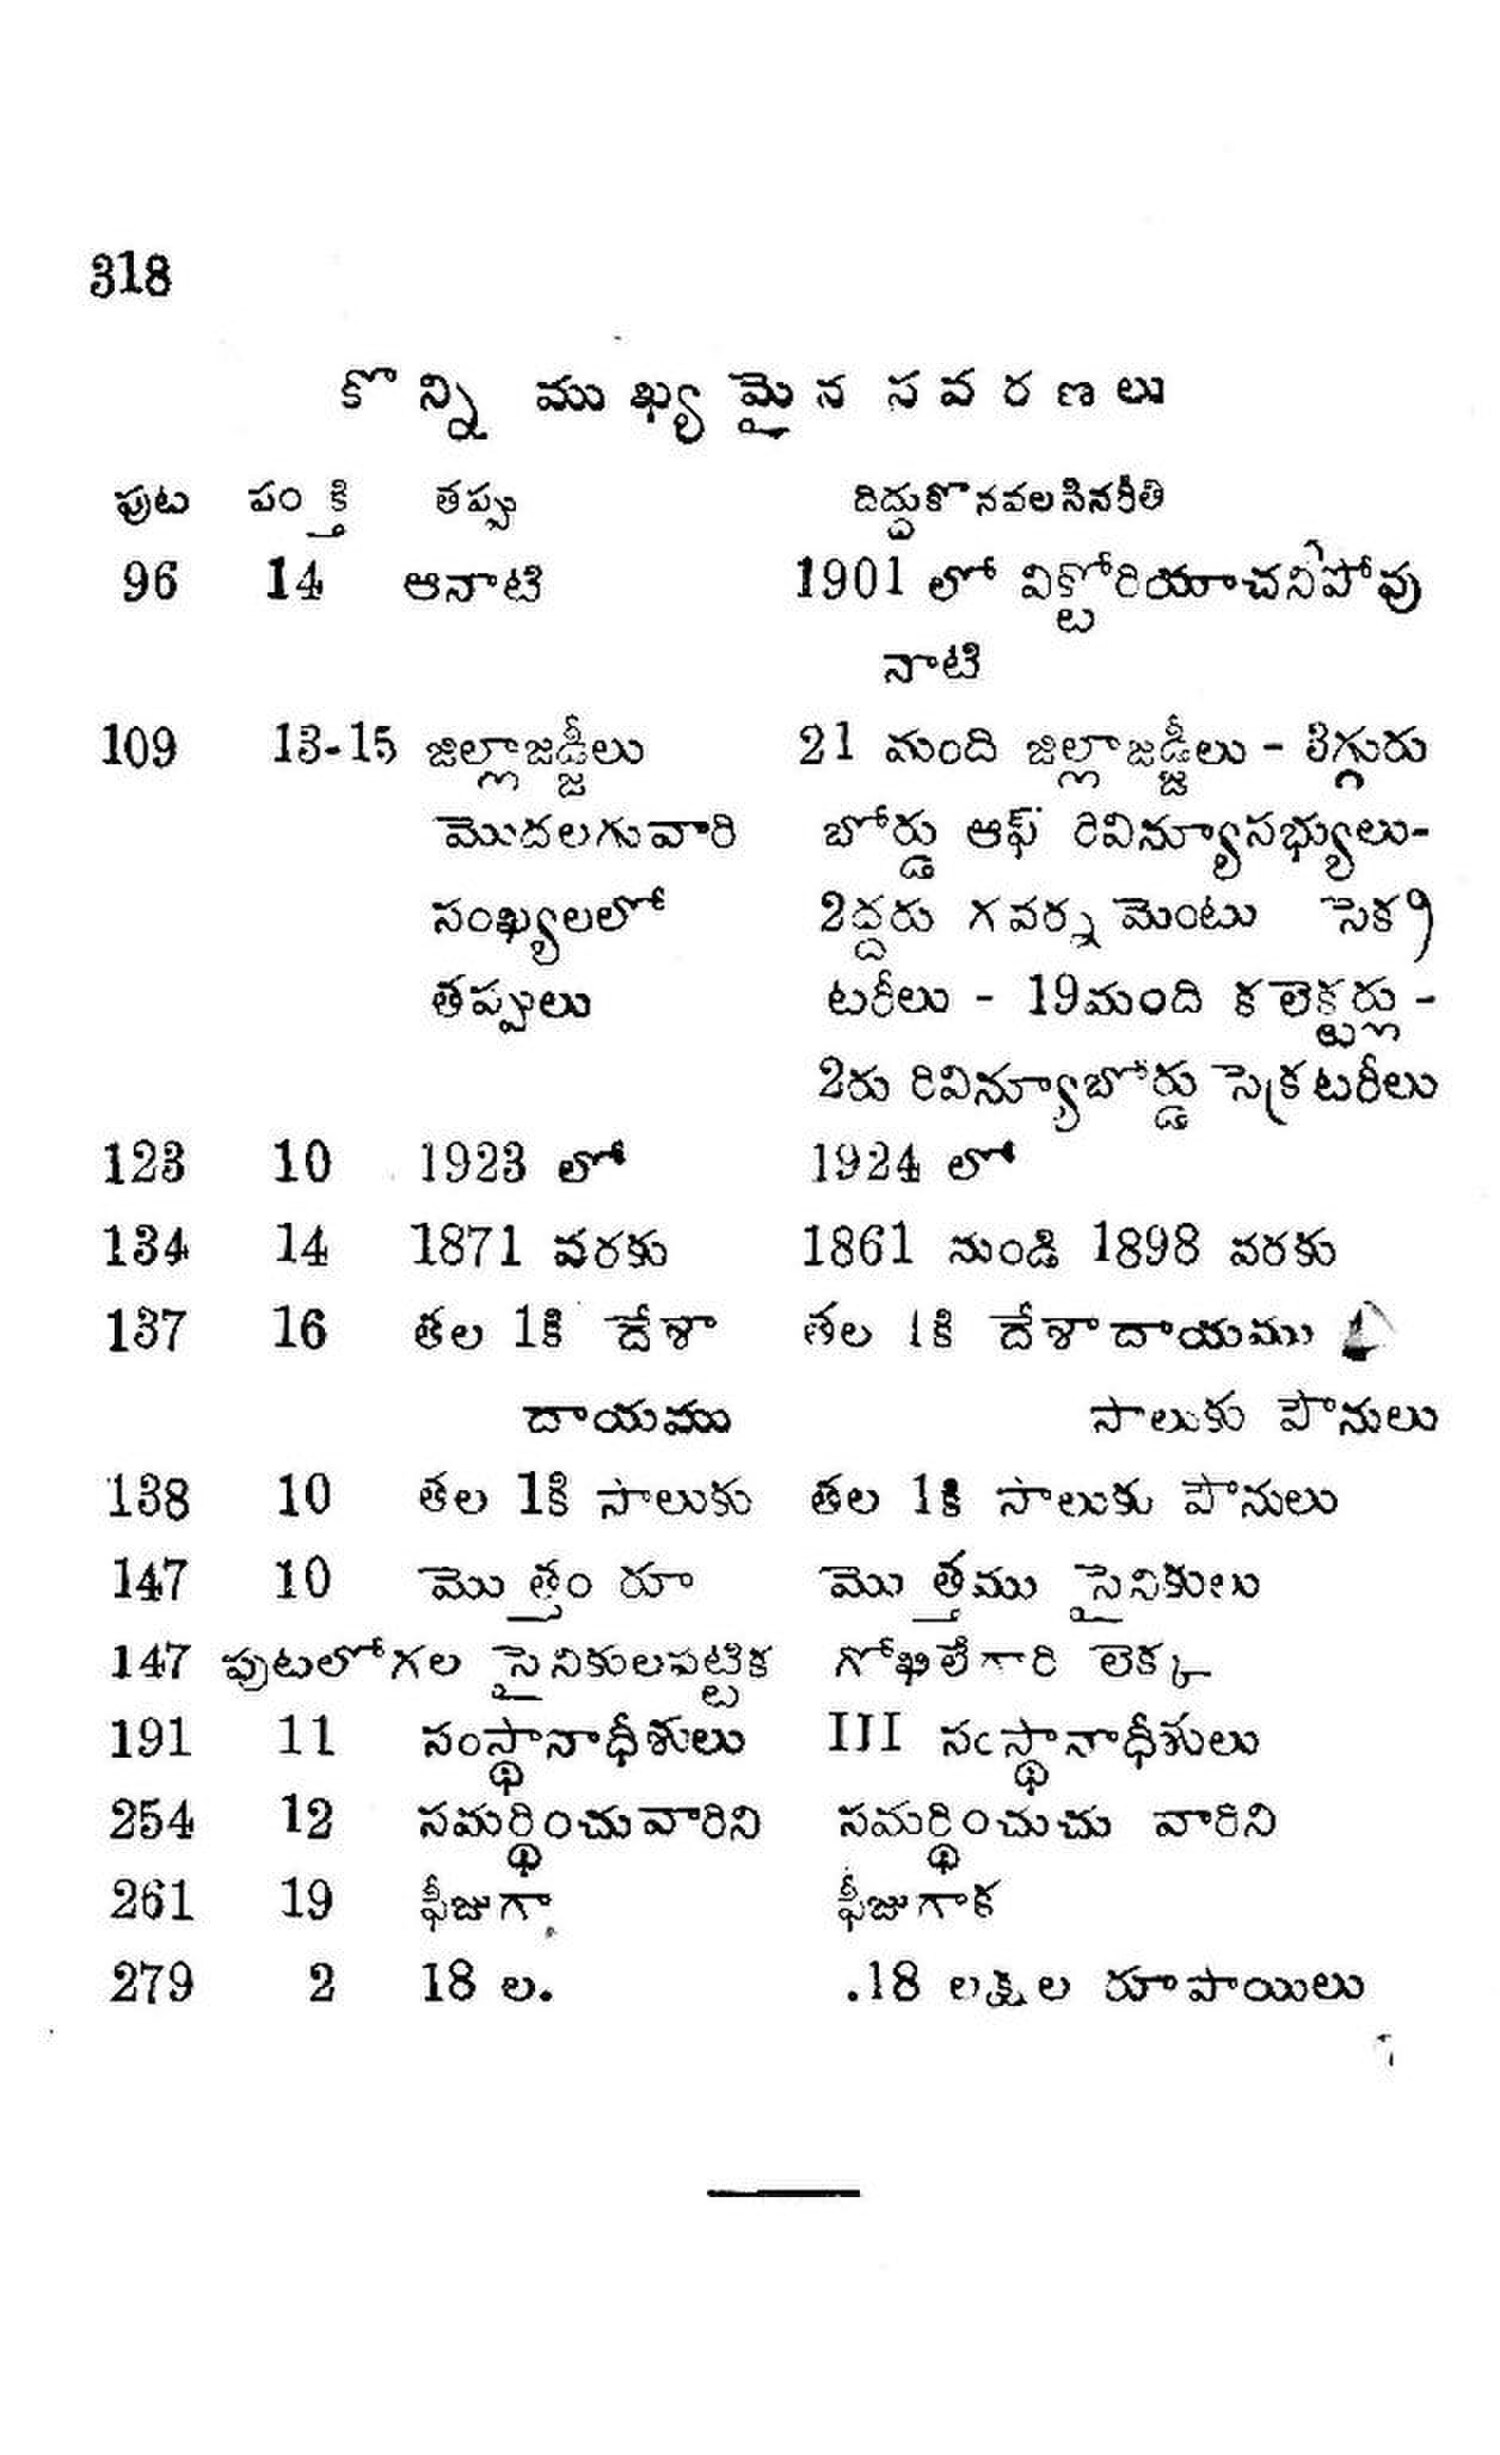కొన్ని ముఖ్యమైన సవరణలు

 పుట పంక్తి తప్పు దిద్దుకొనవలసినరీతి 96 14 ఆనాటి 1901 లో విక్టోరియాచనిపోవునాటి 109 13-15 జిల్లాజడ్జీలు మొదలగువారి సంఖ్యలలో తప్పులు 21 మంది జిల్లాజడ్జీలు - 3గ్గురు బోర్డు ఆఫ్ రివిన్యూసభ్యులు- 2 ద్దరు గవర్నమెంటు సెక్రటరీలు - 19 మంది కలెక్టరులు 2 రు రివిన్యూబోర్డు సెక్రటరీలు 123 10 1923 లో 1924 లో 134 14 1871 వరకు 1861 నుండి 1898 వరకు 137 16 తల 1 కి దేశాదాయము తల 1 కి దేశాదాయము సాలుకు పౌనులు 138 10 తల 1 కి సాలుకు తల 1 కి సాలుకు పౌనులు 147 10 మొత్తం రూ మొత్తము సైనికులు 147 - పుటలోగల సైనికులపట్టిక గోఖేలేగారి లెక్క 191 11 సంస్థానాధీశులు III సంస్థానాధీశులు 254 12 సమర్థించువారిని సమర్థించుచు వారిని 261 19 ఫీజుగా ఫీజుగాక 279 2 18 ల. .18 లక్షల రూపాయిలు

___________